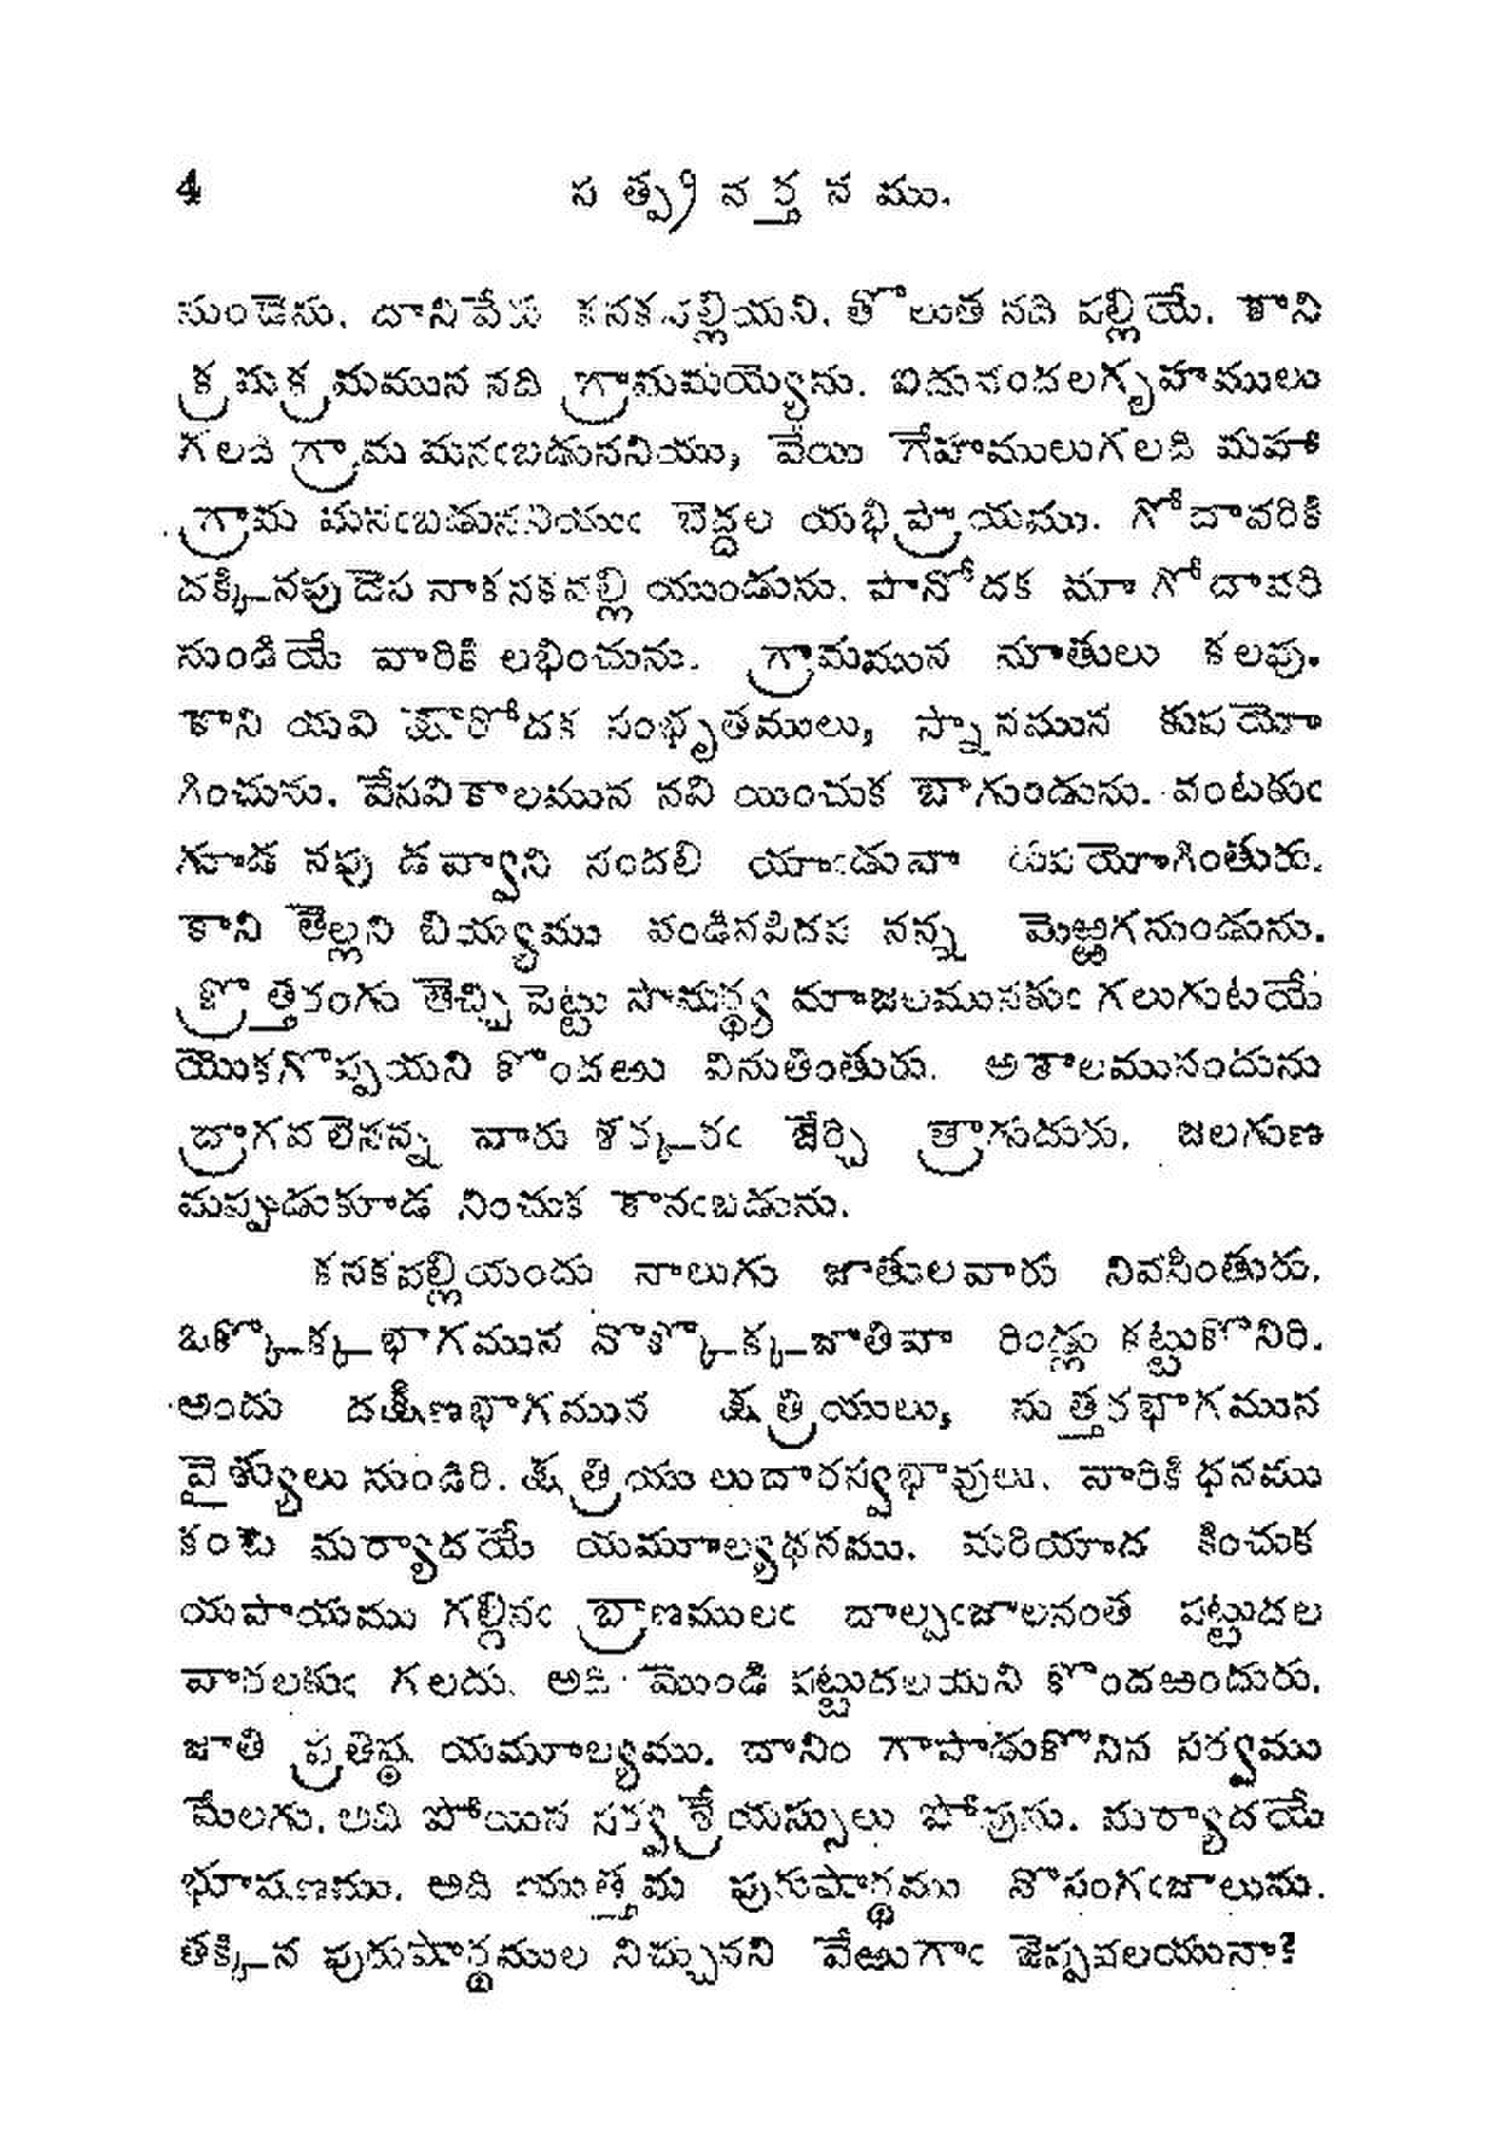సుండెను, దానిపేరు కనక పల్లియని, తొలుత నది పల్లీయే. కొని క్రమక్రమమున నది గ్రామమయ్యెను. ఐదువందలగృహములు గల గ్రామ మనఁబడుననియు, వేయి గేహములుగలది మహా గామ మనబడుననియుఁ బెద్దల యభిప్రాయను. గోదావరికి దక్కినపుదెస నాకనకవల్లి యుండును, పానోదక మా గోదావరీ నుండియే వారికి లభించును. గ్రామమున నూతులు కలవు. కాని యవి క్షారోదక సంభృతములు, స్నానమున కుపయోగించును, "వేసవి కాలమున నవి యించుక 'బాగుండును. వంటకుఁ కూడ నపుడవ్వాని సందలి యాడువారు యోగింతురు. కానీ తెల్లని బియ్యము పండిన పిదకు నన్న మెఱగనుండును. క్రొత్తరంగు తెచ్చి పెట్టు సానుమర్థ్య మాజలమునకుఁ గలుగుటయే యొక గొప్పయని గొందఱు వినుతింతురు. అకాలమునందును ద్రాగవలెనన్న వారు శక్కరఁ జేర్చే త్రాగుదురు. జలగుణ మప్పుడుకూడ నించుక గానఁబడును.

కనకవల్లియందు నాలుగు జూతులవారు నివసింతురు, ఒక్కొక్క భాగమున నొక్కొక్కబోతివారిండ్లు కట్టుకొనిరి. అందు దక్షిణ భాగమున క్షత్రియులు, నుత్తరభాగమున వైశ్యులు నుండిరి. క్షత్రియులు దారస్వభావులు, వారికి ధనము కంటే మర్యాదయే యమూల్యధనము, మరియాద కించుక యపాయము గల్గినఁ బ్రాణములం దాల్పఁజాలనంత పట్టుదల వారలకుఁ గలదు. అది మొండి పట్టుదలచుని కొందరందురు. జూతి ప్రతిష్ఠ, యమూల్యము. దానం గాపొడుకొనిన సర్వము
మేలగు, అది పోయిన సర్వ శ్రేయస్సులు పోపును. మర్యాదయే భూషణము. అది ముత్తమ పురుషార్థము నొసంగఁజాలును. తక్కిన పురుషార్థముల నిచ్చునని వేఱుగాఁ జెప్పషలయునా ?